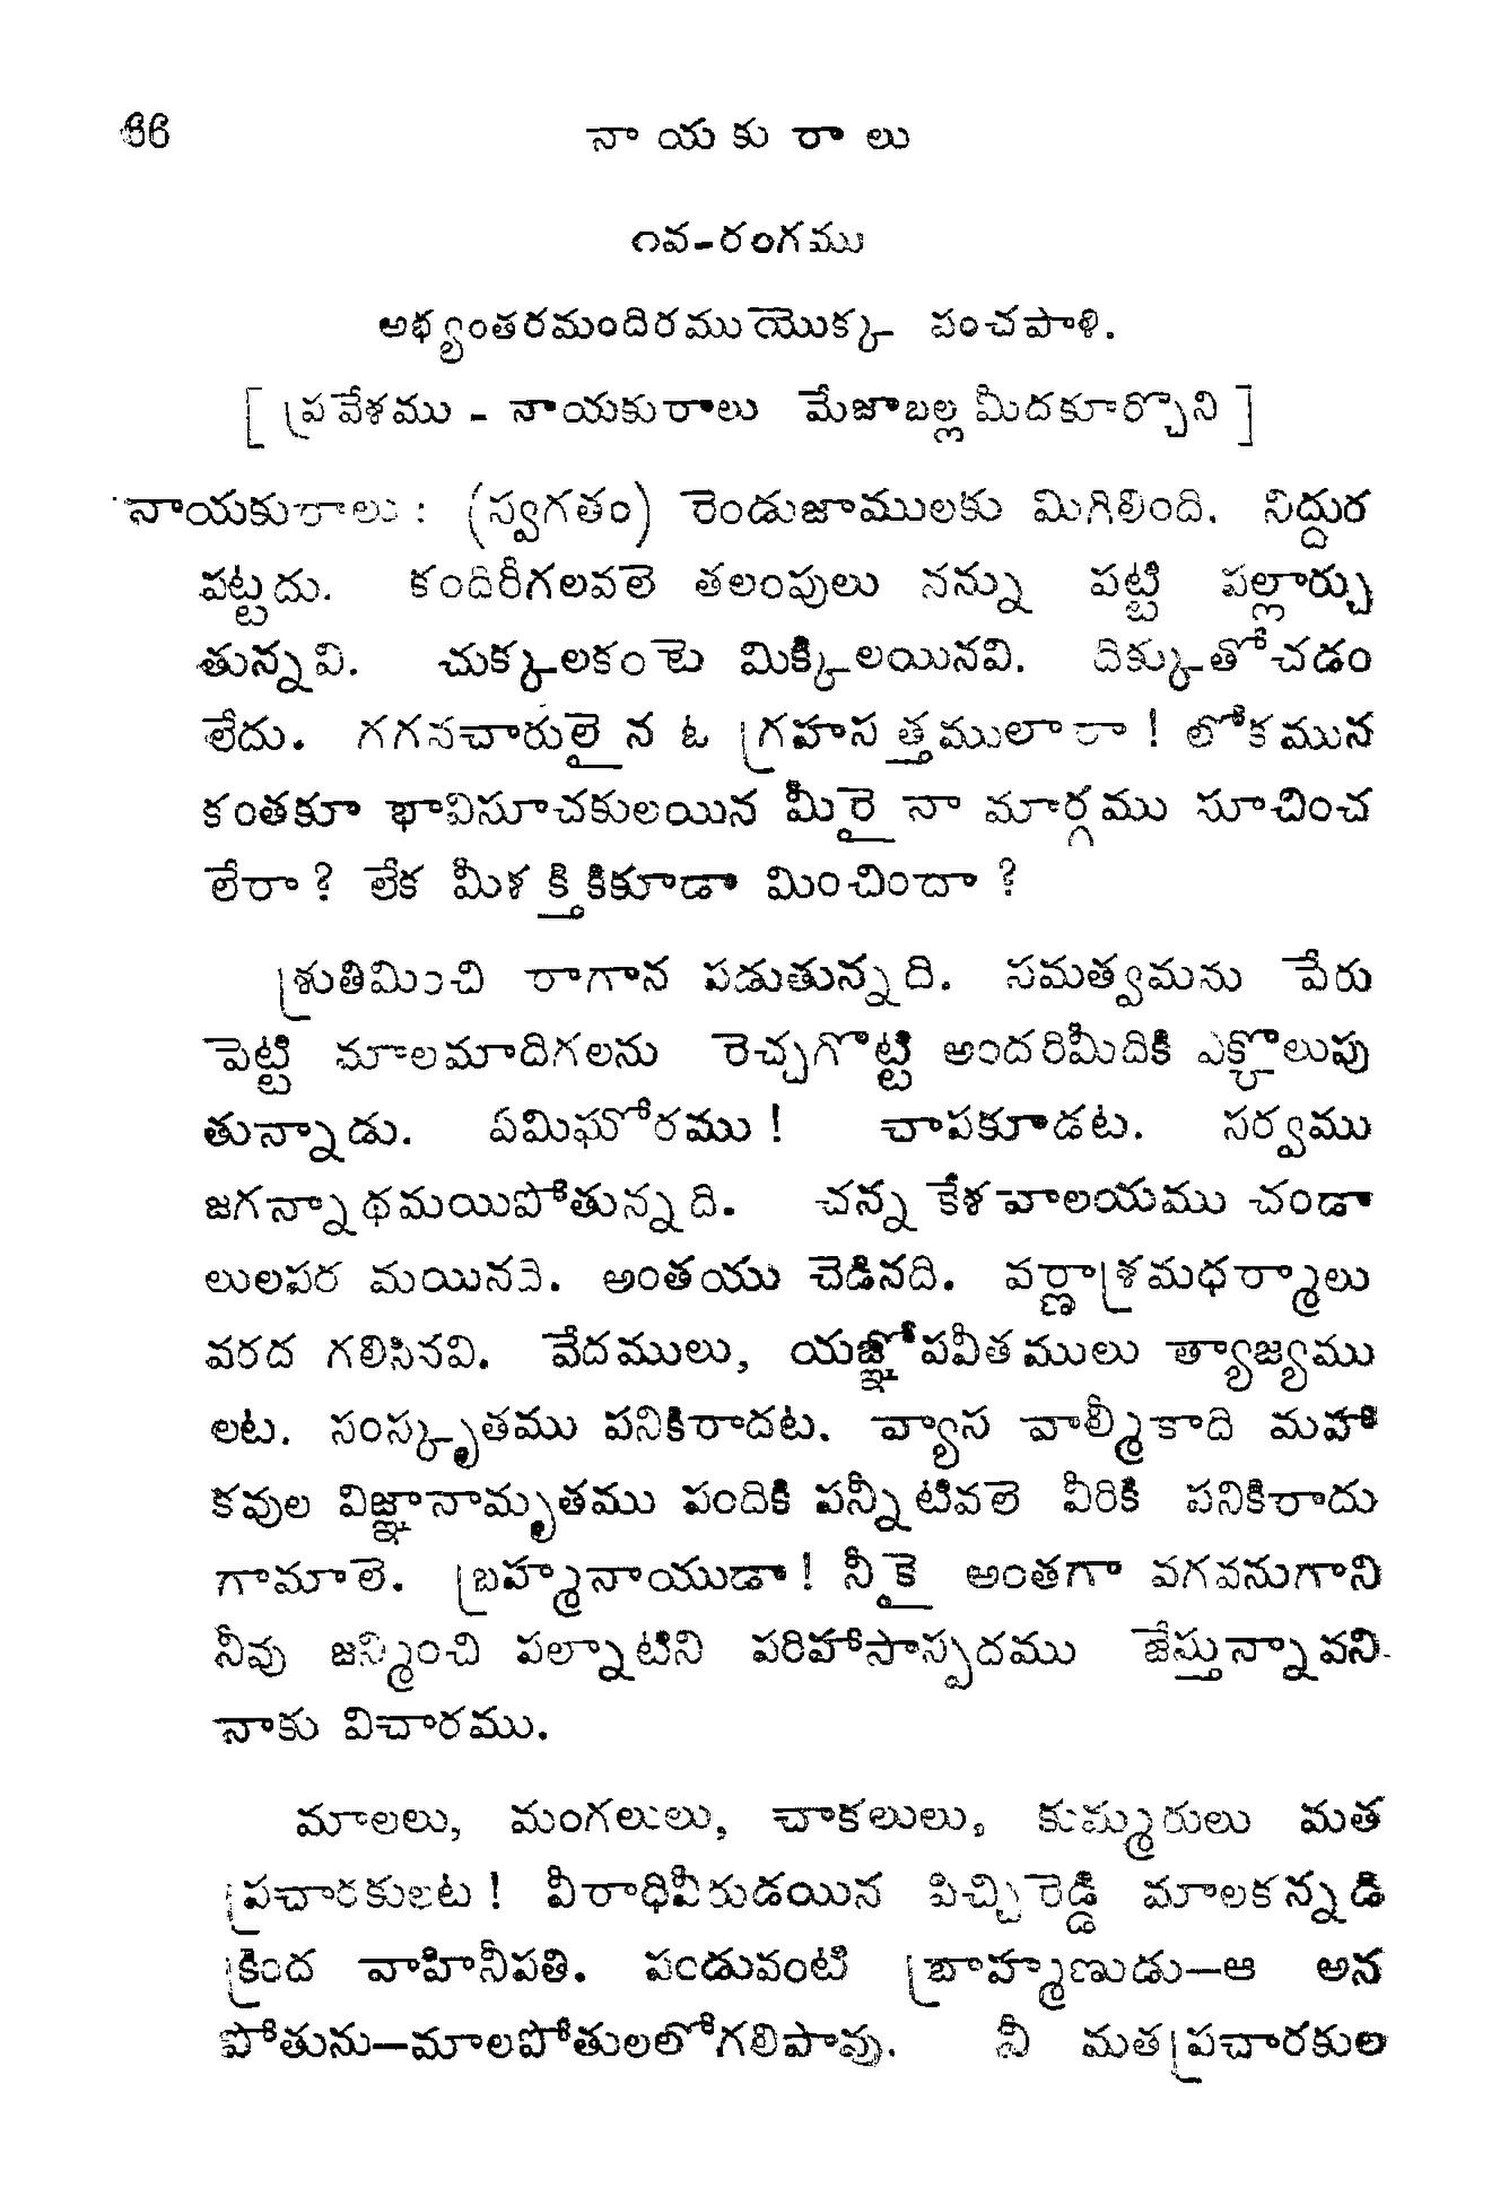నాయకురాలు : (స్వగతం) రెండుజాములకు మిగిలింది. నిద్దురపట్టదు. కందిరీగలవలె తలంపులు నన్ను పట్టి పల్లార్చుతున్నవి. చుక్కలకంటె మిక్కిలయినవి. దిక్కుతోచడం లేదు. గగనచారులైన ఓ గ్రహసత్తములారా ! లోకమున కంతకూ భావిసూచకులయిన మీరై నా మార్గము సూచించలేరా? లేక మీశక్తికికూడా మించిందా ?

శ్రుతిమించి రాగాన పడుతున్నది. సమత్వమను పేరుపెట్టి మాలమాదిగలను రెచ్చగొట్టి అందరిమీదికి ఎక్కొలుపు తున్నాడు. ఏమిఘోరము! చాపకూడట. సర్వము జగన్నాథమయిపోతున్నది. చన్న కేశవాలయము చండాలులపర మయినది. అంతయు చెడినది. వర్ణాశ్రమధర్మాలు వరద గలిసినవి. వేదములు, యజ్ఞోపవీతములు త్యాజ్యము లట. సంస్కృతము పనికిరాదట, వ్యాస వాల్మీకాది మహాకవుల విజ్ఞానామృతము పందికి పన్నీటివలె వీరికి పనికిరాదు గామాలె. బ్రహ్మనాయుడా ! నీకై అంతగా వగవనుగాని నీవు జన్మించి పల్నాటిని పరిహాసాస్పదము జేస్తున్నావని నాకు విచారము.

మాలలు, మంగలులు, చాకలులు, కుమ్మరులు మత ప్రచారకులట! వీరాధివీరుడయిన పిచ్చిరెడ్డి మాలకన్నడి క్రింద వాహినీపతి. పండువంటి బ్రాహ్మణుడు-ఆ అనపోతునుమాలపోతులలోగలిపావు.
నీ మతప్రచారకుల